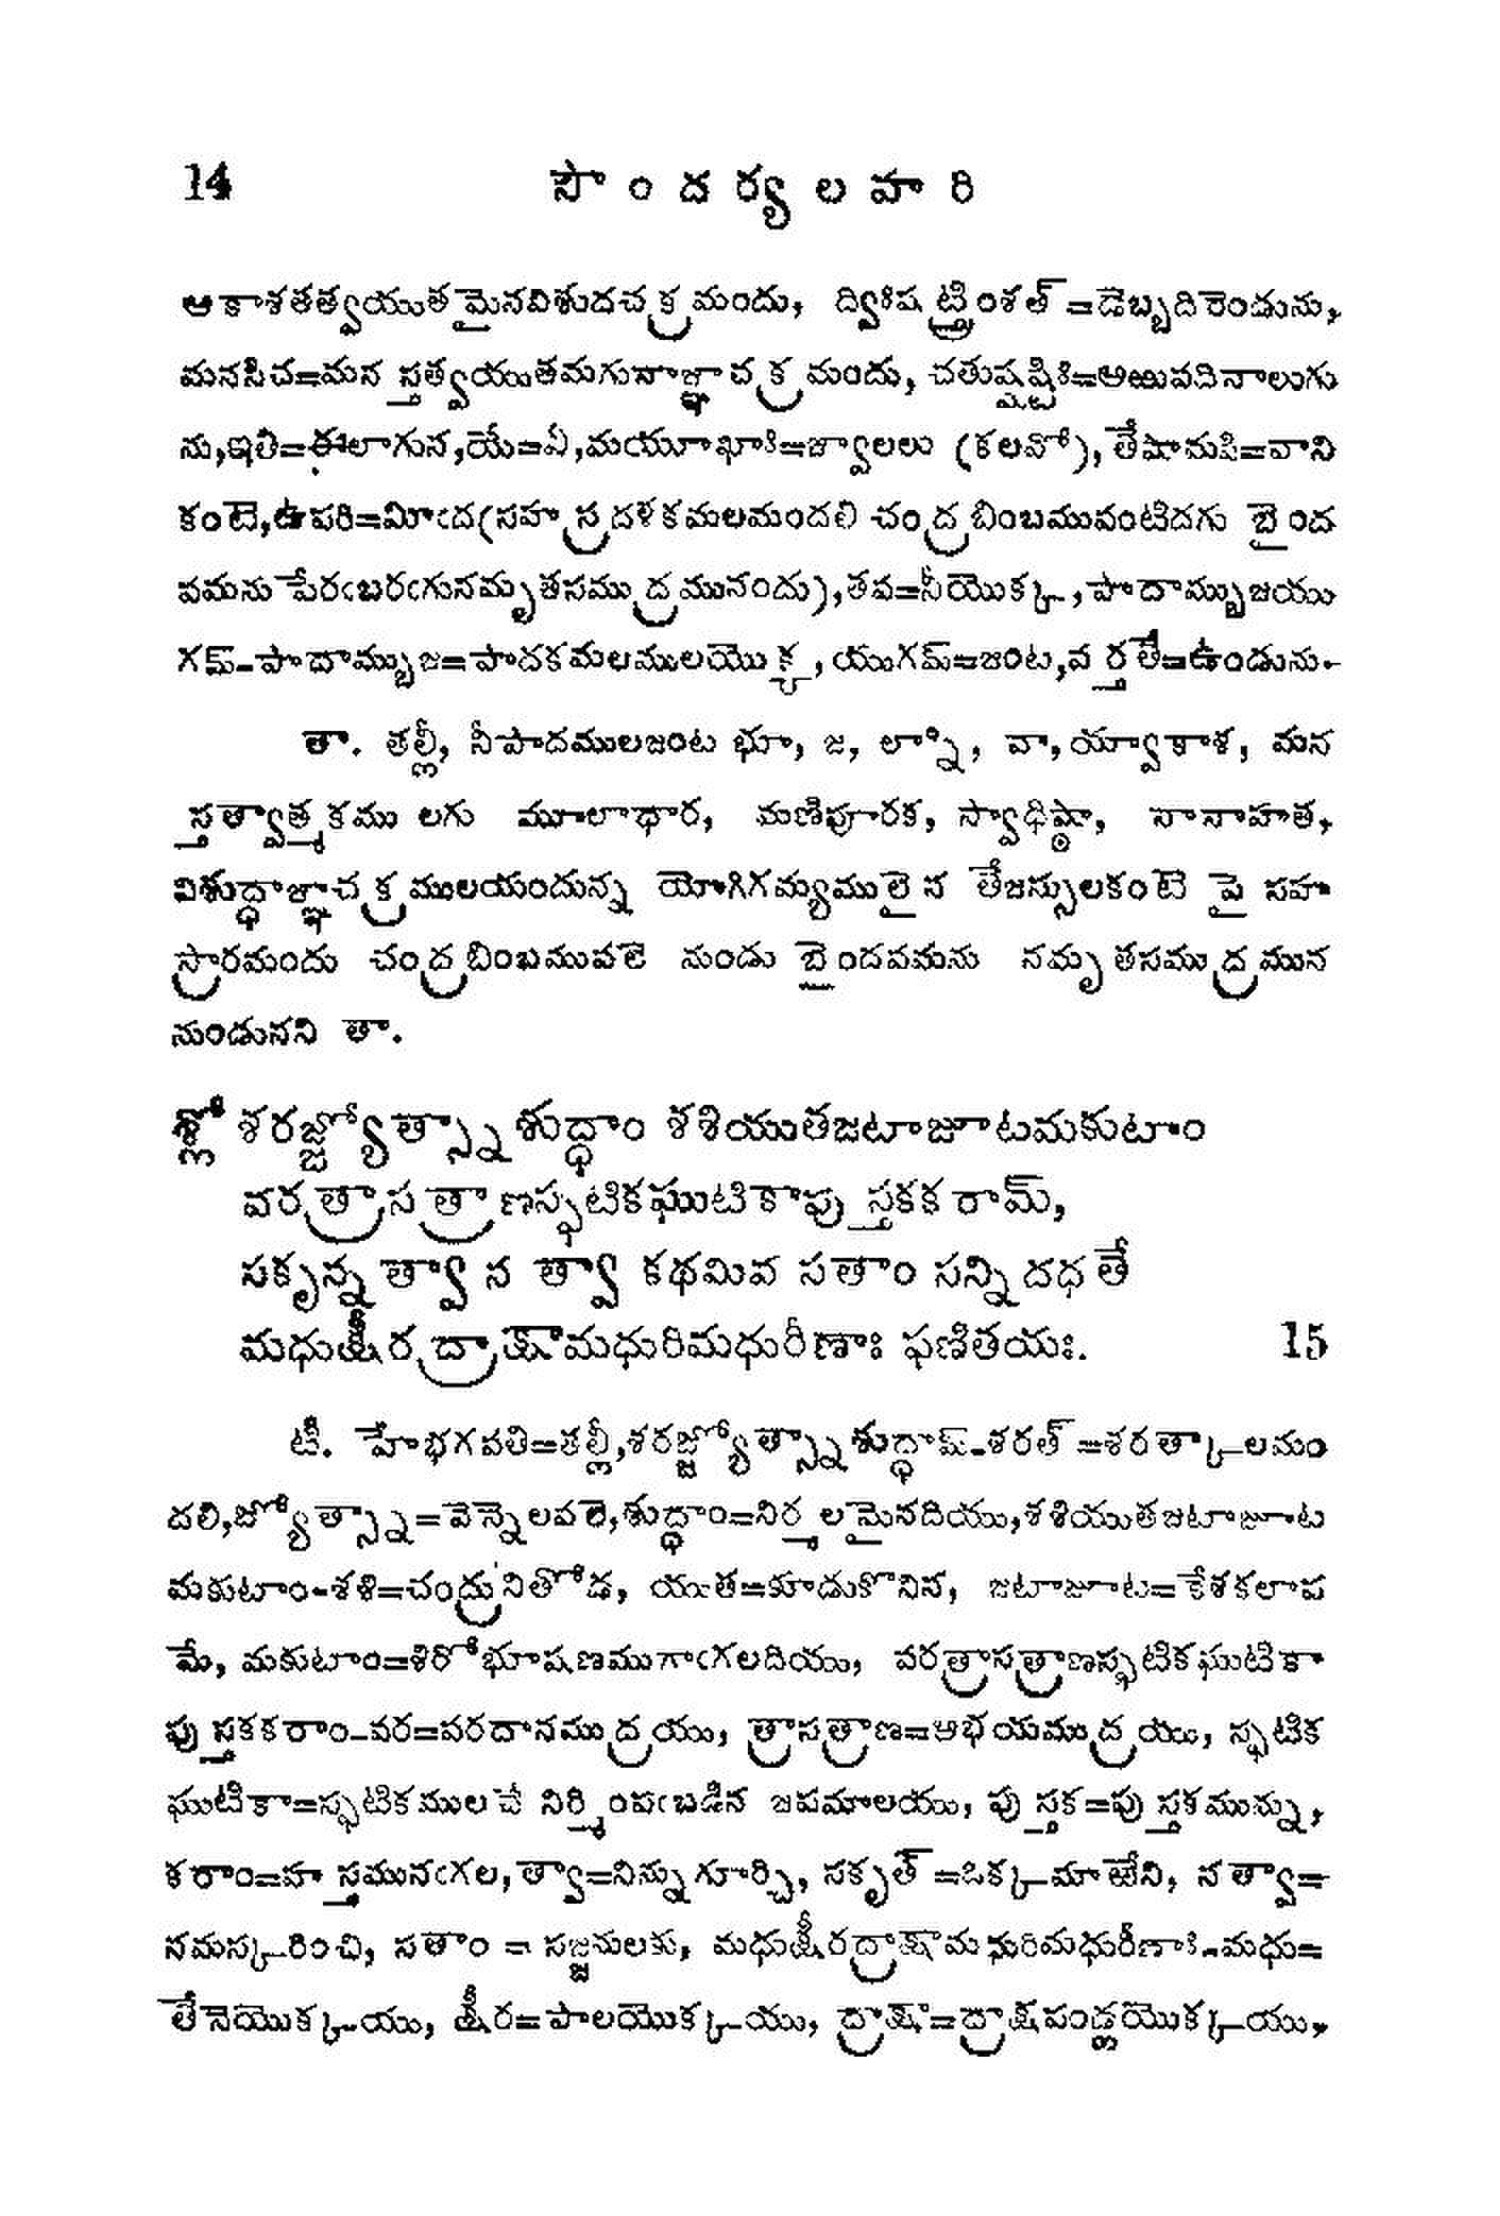ఆకాశతత్వయుతమైనవిశుదచక్రమందు, ద్విఃషట్త్రింశత్ = డెబ్బదిరెండును, మనసిచ = మనస్తత్వయుతమగునాజ్ఞాచక్రమందు, చతుష్షష్టిః = అఱువదినాలుగును, ఇతి = ఈలాగున, యే = ఏ, మయూఖాః = జ్వాలలు (కలవో), తేషామపి = వానికంటె, ఉపరి = మీఁద (సహస్రదళకమలమందలి చంద్రబింబమువంటిదగు బైందవమను పేరఁబరఁగునమృతసముద్రమునందు), తవ = నీయొక్క, పాదామ్బుజయుగమ్-పాదామ్బుజ = పాదకమలములయొక్క, యుగమ్ = జంట, వర్తతే = ఉండును.

తా. తల్లీ, నీపాదములజంట భూ, జ, లాగ్ని, వా, య్వాకాశ, మనస్తత్వాత్మకము లగు మూలాధార, మణిపూరక, స్వాధిష్ఠా, నానాహత, విశుద్ధాజ్ఞాచక్రములయందున్న యోగిగమ్యములైన తేజస్సులకంటె పై సహస్రారమందు చంద్రబింబమువలె నుండు బైందవమను నమృతసముద్రమున నుండునని తా.

శ్లో. శరజ్జ్యోత్స్నాశుద్ధాం శశియుతజటాజూటమకుటాం
 వరత్రాసత్రాణస్ఫటికఘుటికాపుస్తకకరామ్,
 సకృన్నత్వానత్వా కథమివ సతాం సన్నిదధతే
 మధుక్షీరద్రాక్షామధురిమధురీణాః ఫణితయః. 15
టీ. హేభగవతి = తల్లీ, శరజ్జ్యోత్స్నాశుద్ధామ్-శరత్ = శరత్కాలమందలి, జ్యోత్స్నా = వెన్నెలవలె, శుద్ధాం = నిర్మలమైనదియు, శశియుతజటాజూటమకుటాం-శశి = చంద్రునితోడ, యుత = కూడుకొనిన, జటాజూట = కేశకలాపమే, మకుటాం = శిరోభూషణముగాఁగలదియు, వరత్రాసత్రాణస్ఫటికఘుటికాపుస్తకకరాం-వర వరదానముద్రయు, త్రాసత్రాణ = అభయముద్రయు, స్ఫటికఘుటికా = స్ఫటికములచే నిర్మింపఁబడిన జపమాలయు, పుస్తక = పుస్తకమున్ను, కరాం = హస్తమునఁగల, త్వా = నిన్నుగూర్చి, సకృత్ =ఒక్కమాఱేని, నత్వా = నమస్కరించి, సతాం = సజ్జనులకు, మధుక్షీరద్రాక్షామధురిమధురీణాః-మధు = తేనెయొక్కయు, క్షీర = పాలయొక్కయు, ద్రాక్షా = ద్రాక్షపండ్లయొక్కయు,